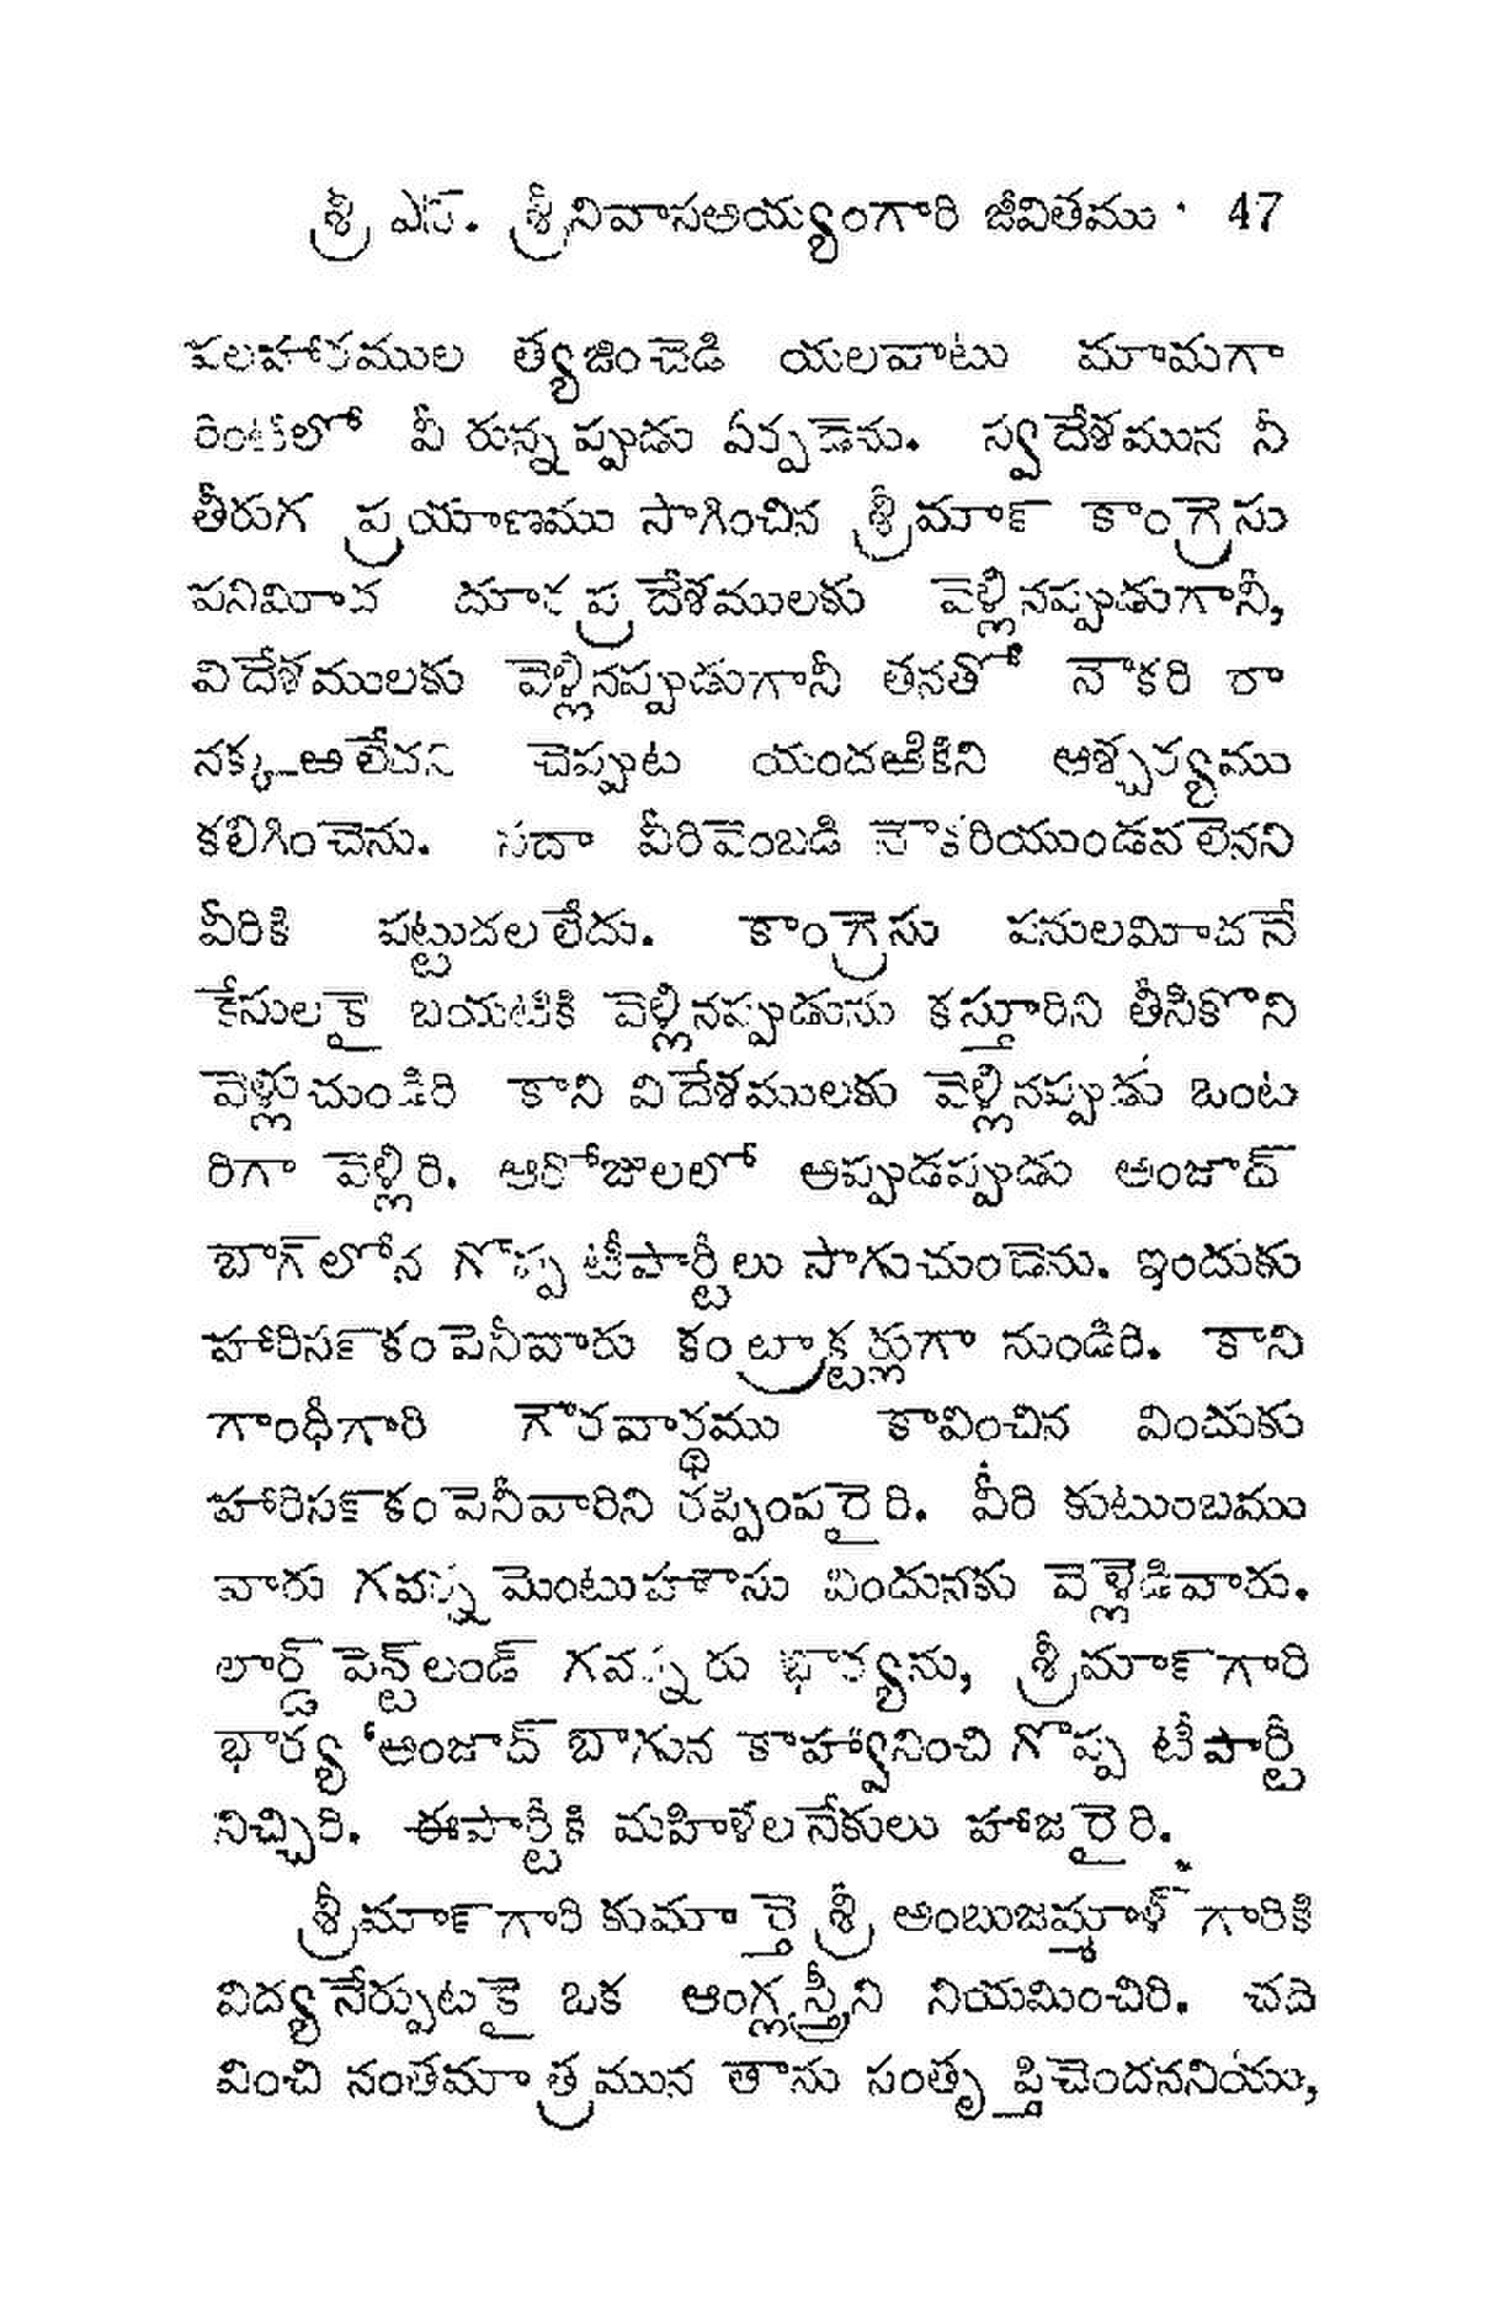పలహారముల త్యజించెడి యలవాటు మామగారింటిలో వీరున్నప్పుడు ఏర్పడెను. స్వదేశమున నీతీరుగ ప్రయాణము సాగించిన శ్రీమా౯ కాంగ్రెసు పనిమీద దూరప్రదేశములకు వెళ్లినప్పుడుగానీ, విదేశములకు వెళ్లినప్పుడుగానీ తనతో నౌకరి రా నక్కఱలేదని చెప్పుట యందఱికిని ఆశ్చర్యము కలిగించెను. సదా వీరివెంబడి నౌకరియుండవలెనని వీరికి పట్టుదల లేదు. కాంగ్రెసు పనులమీదనే కేసులకై బయటికి వెళ్లినప్పుడుసు కస్తూరిని తీసికొని వెళ్లుచుండిరి కాని విదేశములకు వెళ్లినప్పుడు ఒంటరిగా వెళ్లిరి. ఆరోజులలో అప్పుడప్పుడు ఆంజాద్‌బాగ్‌లోన గొప్పటీపార్టీలు సాగుచుండెను. ఇందుకు హారిస౯కంపెనీవారు కంట్రాక్టర్లుగా నుండిరి. కాని గాంధీగారి గౌరవార్థము కావించిన వించుకు హారిస౯కంపెనీవారిని రప్పింపరైరి. వీరి కుటుంబమువారు గవర్నమెంటుహౌసు విందునకు వెళ్లెడివారు. లార్డ్ పెన్ట్‌లండ్ గవర్నరు భార్యను, శ్రీమా౯గారిభార్య అంజాద్ బాగున కౌహ్వానించి గొప్ప టీపార్టీ నిచ్చిరి. ఈ పార్టీకి మహిళలనేకులు హాజరైరి.

శ్రీమా౯గారి కుమార్తె శ్రీ అంబుజమ్మాళ్ గారికి విద్యనేర్పుటకై ఒక ఆంగ్లస్త్రీని నియమించిరి. చదివించి నంతమాత్రమున తాను సంతృప్తిచెందననియు,